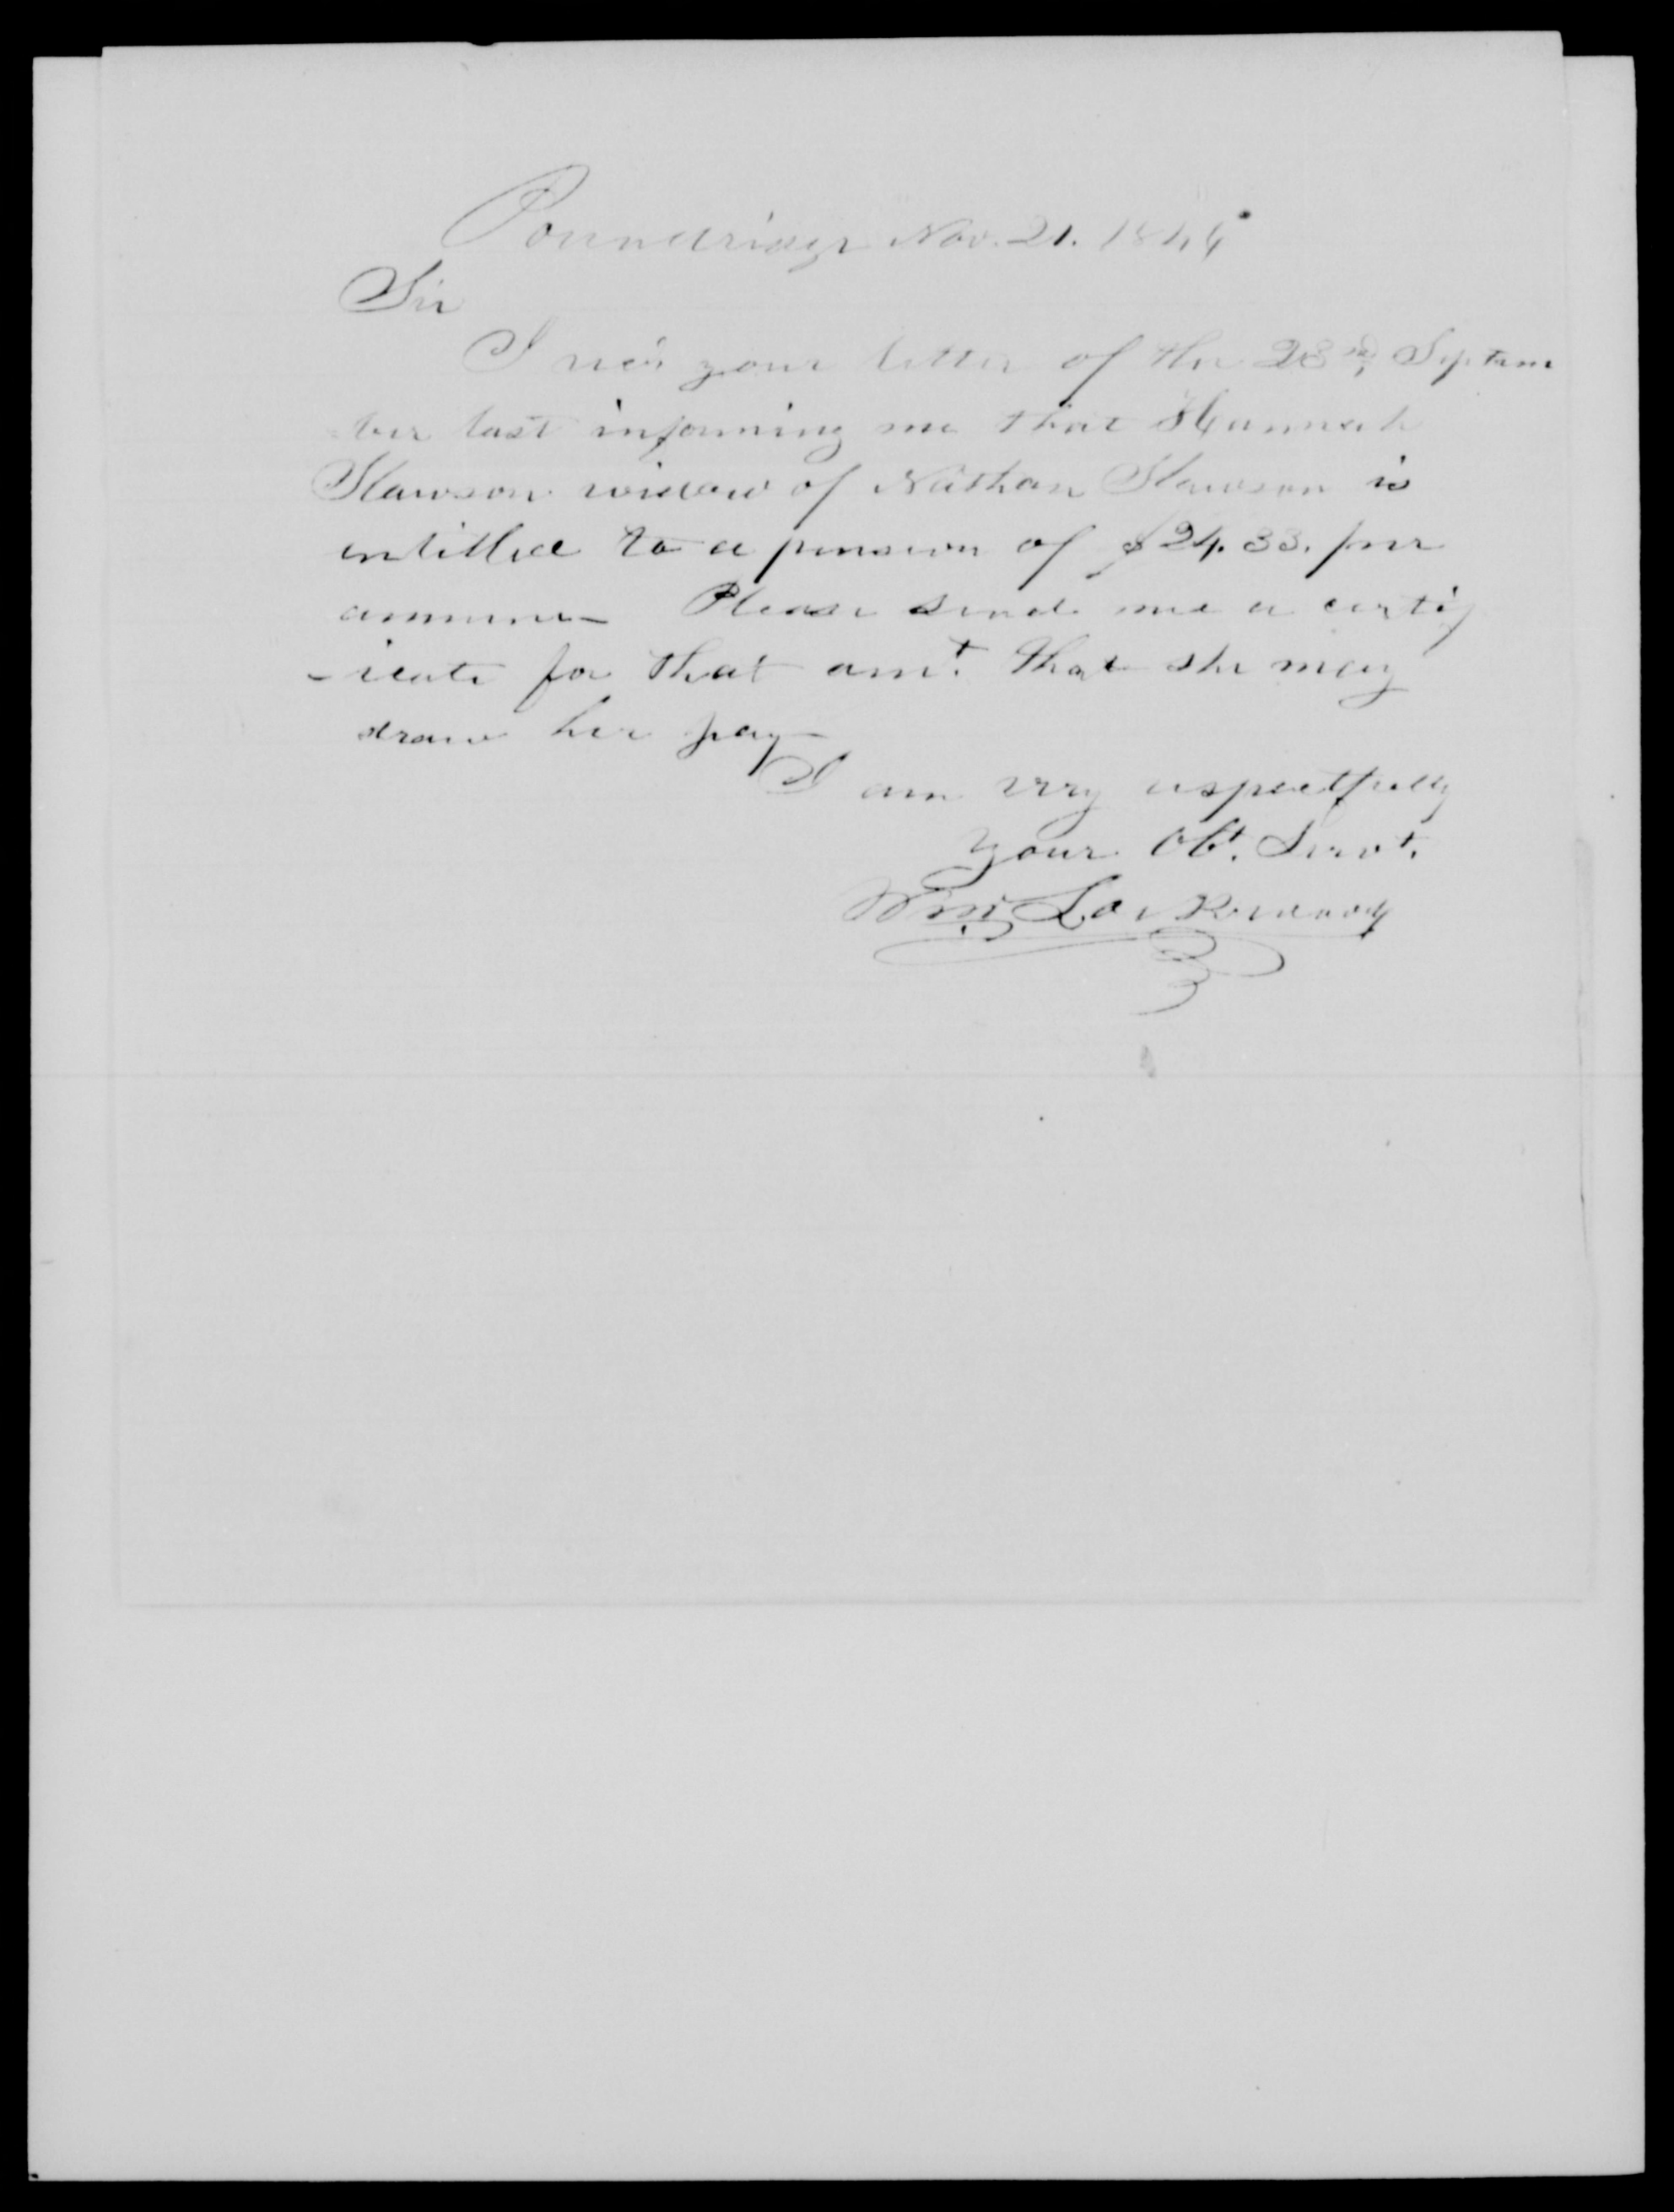Pound Ridge Nov. 21. 1844 
Sir
In your letter of the 28th September last informing me that Hannah Slawson widow of Nathan Slawson is entitled to a pension of $24.33 per annum - please send me a certificate for that amt that she may draw her pay.   
I am very respectfully Your Obt Servt 
Wm. Lockwood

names: Hannah Slawson; Nathan Slawson; Wm Lockwood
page: 72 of 87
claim: widow's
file: W. 22,226, for Nathan Slawson, Connecticut